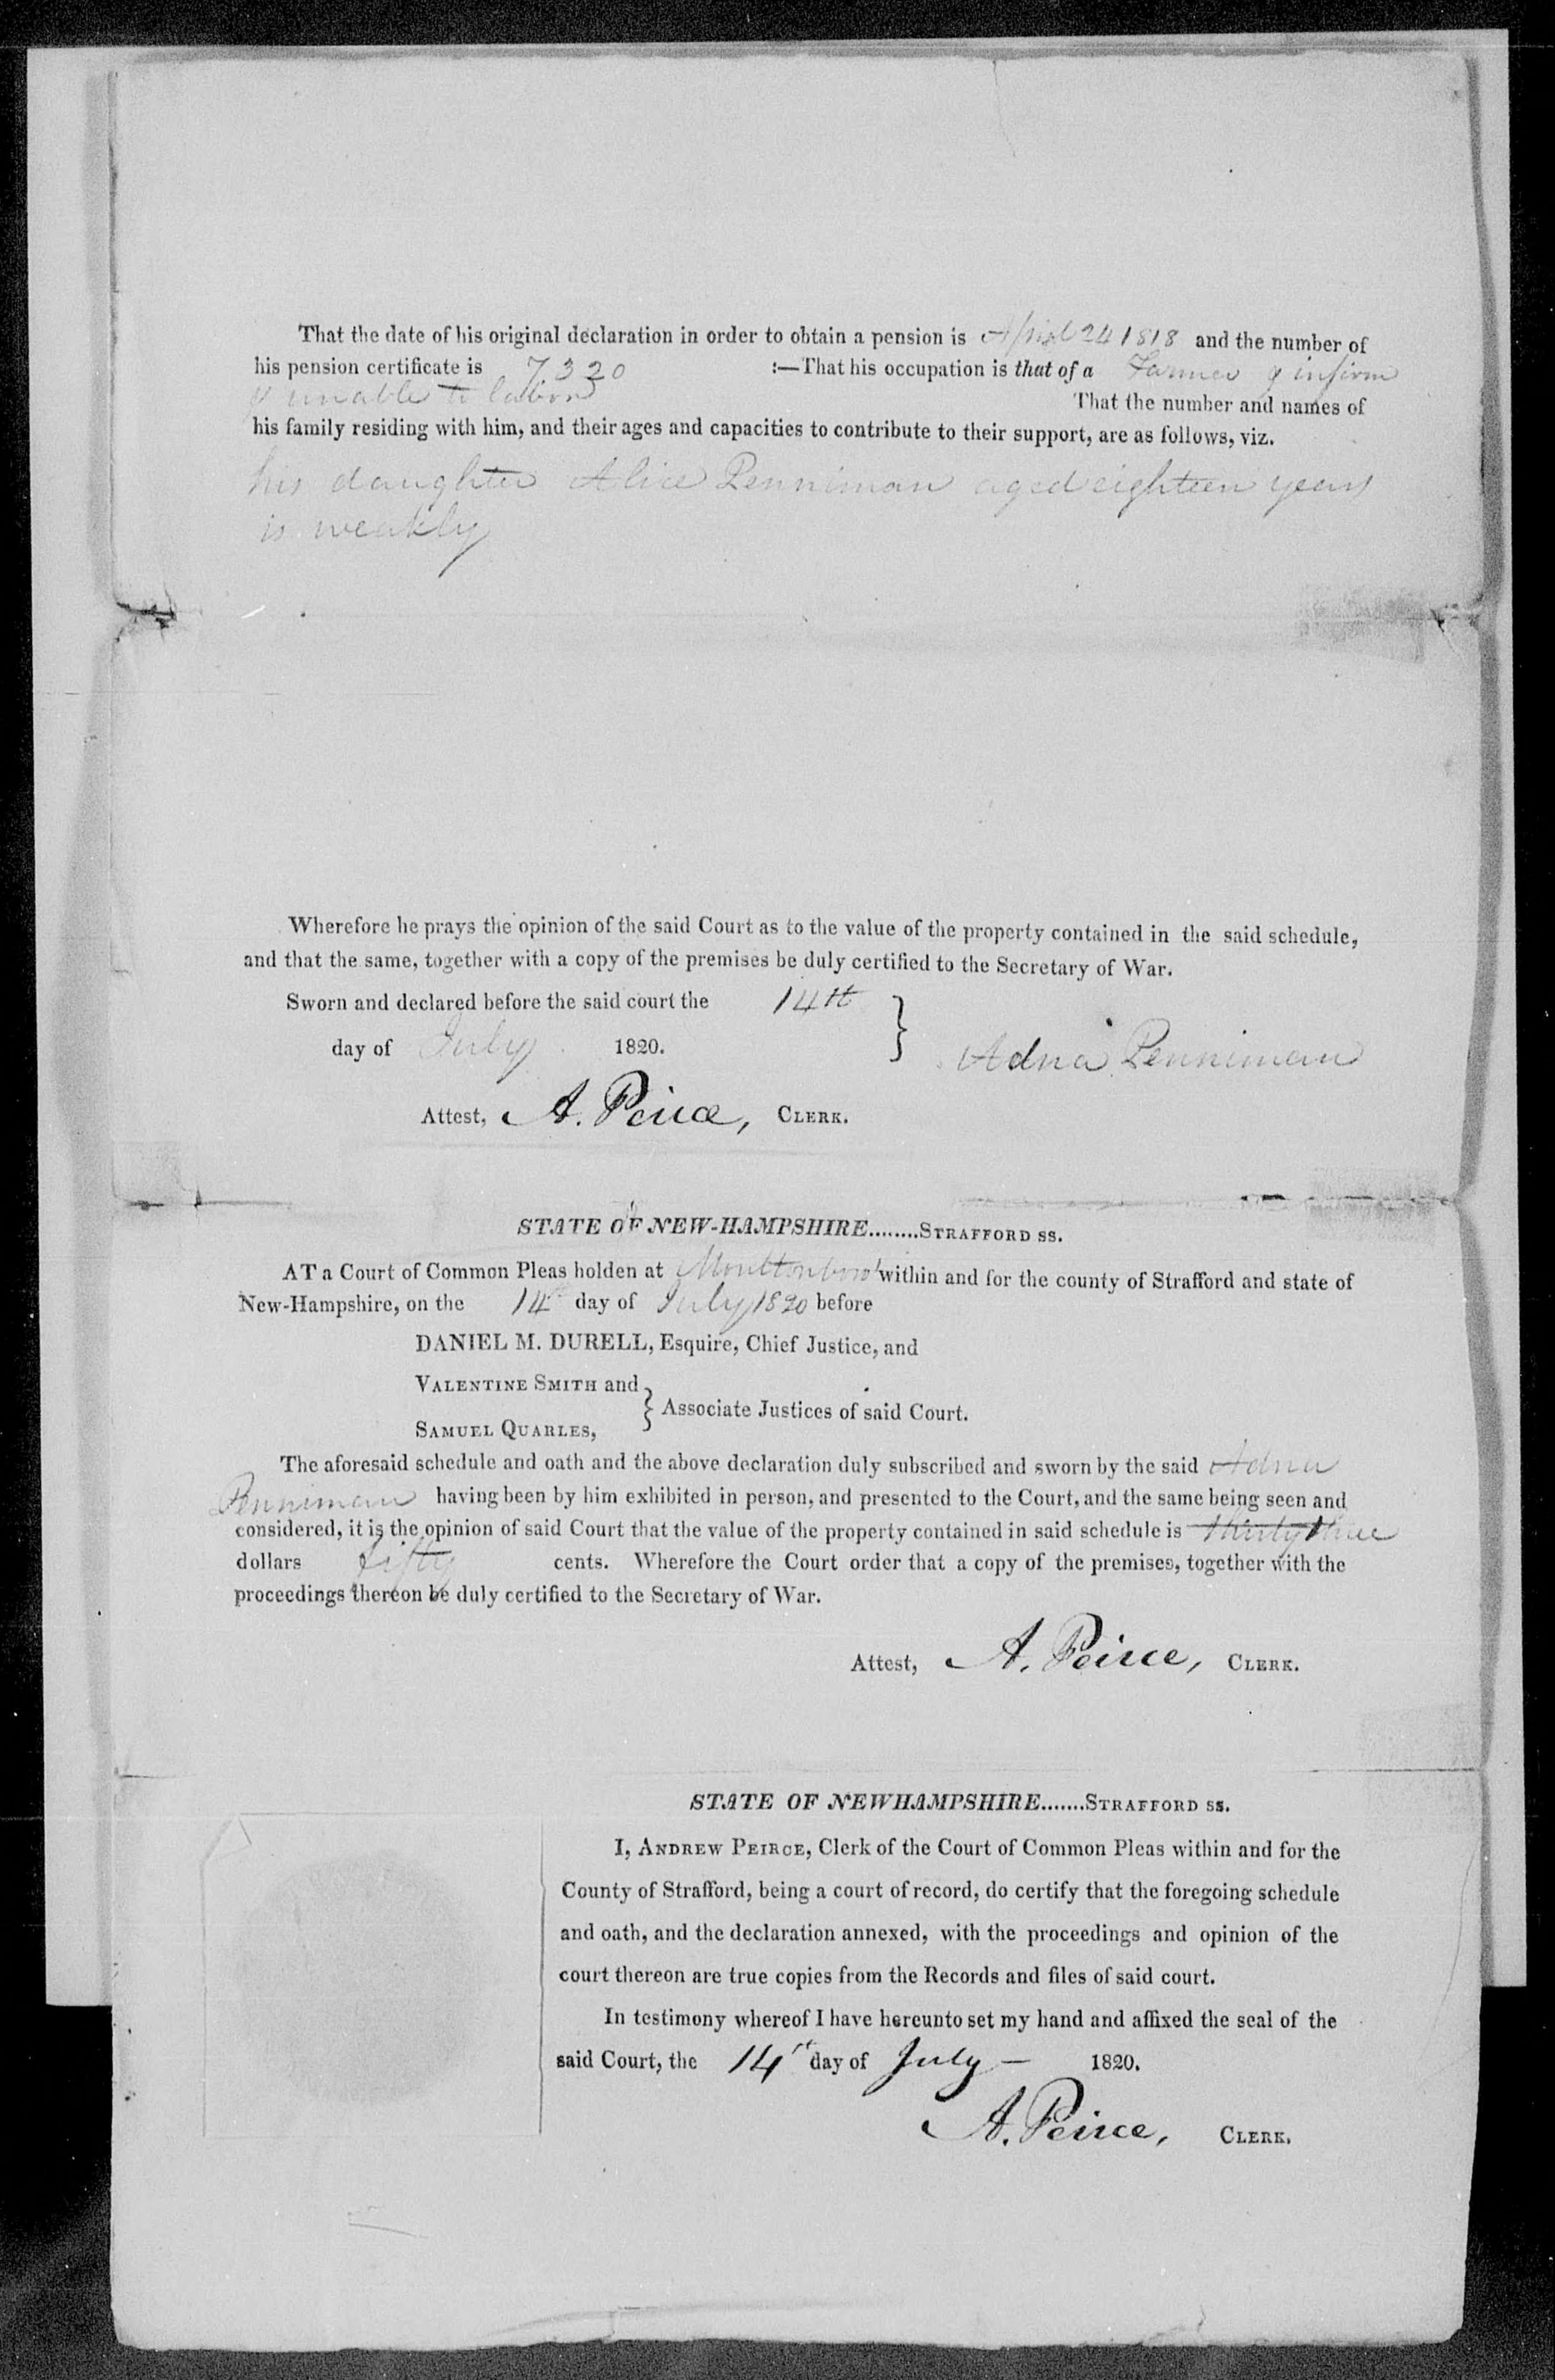Wherefore he prays the opinion of the said Court as to the value of the property contained in the said schedule,
and that the same, together with a copy of the premises be duly certified to the Secretary of War.
Sworn and declared before the said court the 14th day of July 1820. } Adna Penniman
Attest, A. Peirce, CLERK.

STATE OF NEW HAMPSHIRE...........Strafford SS.
AT a Court of Common Pleas holden at Moultonborough within and for the county of Strafford and state of 
New-Hampshire, on the 14th day of July 1820 before
DANIEL M. DURELL, Esquire, Chief Justice, and
VALENTINE SMITH and }
SAMUEL QUARLES,           Associate Justices of said Court.

The aforesaid schedule and oath and the above declaration duly subcribed and sworn by the said Adna
Penniman having been by him exhibited in person, and presented to the Court, and the same being seen and
considered, it is the opinion of said Court that the value of the property contained in said schedule is thirty-five dollars and fifty cents. Wherefore the Court order that a copy of the premises, together with the proceedings thereon be duly certified to the Secretary of War.
Attest, A. Peirce, CLERK.

STATE OF NEWHAMPSHIRE.........STRAFFORD SS.
I, Andrew Peirce, Clerk of the Court of Common Pleas within and for the 
Country of Strafford, being a court of record, do certify that the foregoing schedule 
and oath, and the declaration annexed, with the proceedings and opinion of the 
court thereon are true copies from the Records and files of said court.
In testimony whereof I have hereunto set my hand and affixed the seal of the
said Court, the 14th day of July - 1890.
A. Peirce, CLERK.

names: Andrew Peirce; Samuel Quarles; Adna Penniman; Valentine Smith; Daniel M Durell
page: 8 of 13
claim: survivor's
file: S. 45065, for Adna Penniman, Massachusetts